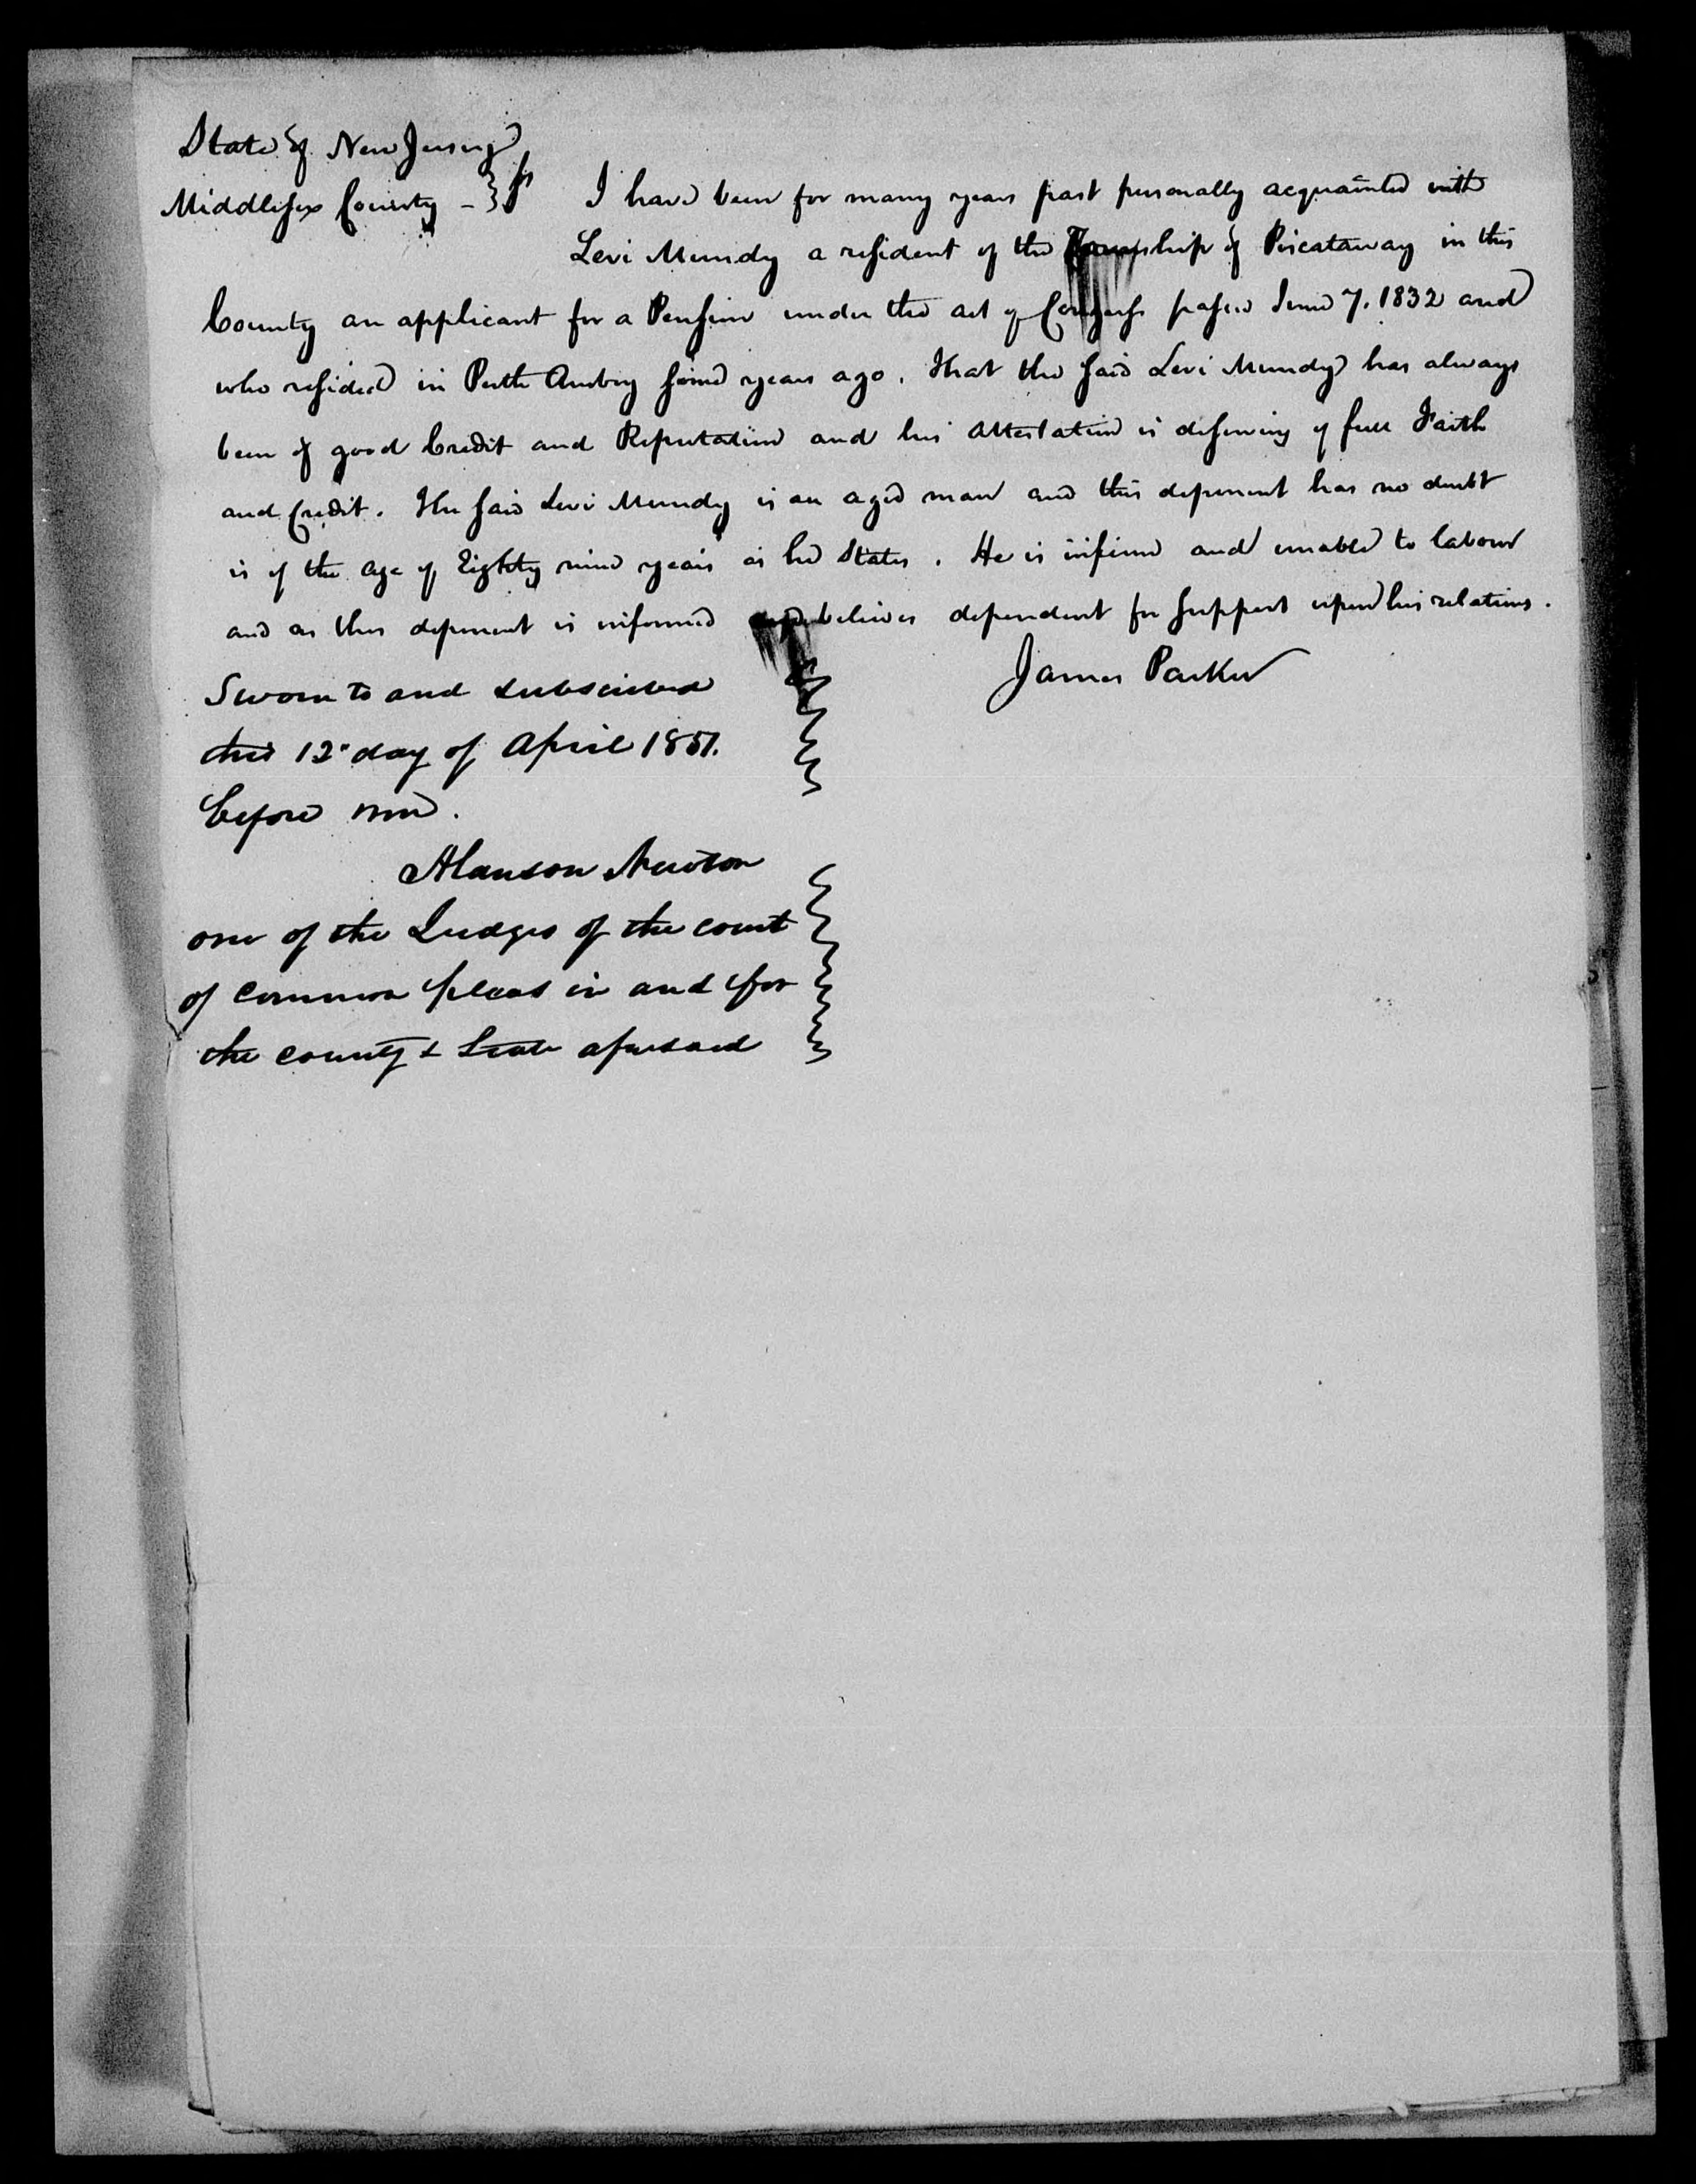State of New Jersey
Middlesex County//

I have been, for many years past, personally acquainted with Levi Mundy, a resident of the Township of Piscataway in this County, an applicant for a pension under the Act of Congress, passed June 7, 1832 and who resided in Perth Amboy five years ago. That the said Levi Mundy has always been of good credit and reputation and his attestation is deserving of full faith and credit. The said Levi Mundy is an aged man and this deponent has no doubt (he) is of the age of Eighty nine years as he states. He is infirm and unable to labor and as this deponent is infirmed and believes dependent for support upon his relations.
s/ James Parker

Sworn to and subscribed this 12th day of April 1857 before me.
s/ Alanson Newton, one of the Judges of the Court of Common Pleas in and for the County & State aforesaid.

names: James Parker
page: 10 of 95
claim: survivor's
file: S 2889, for Levi Mundy, New Jersey